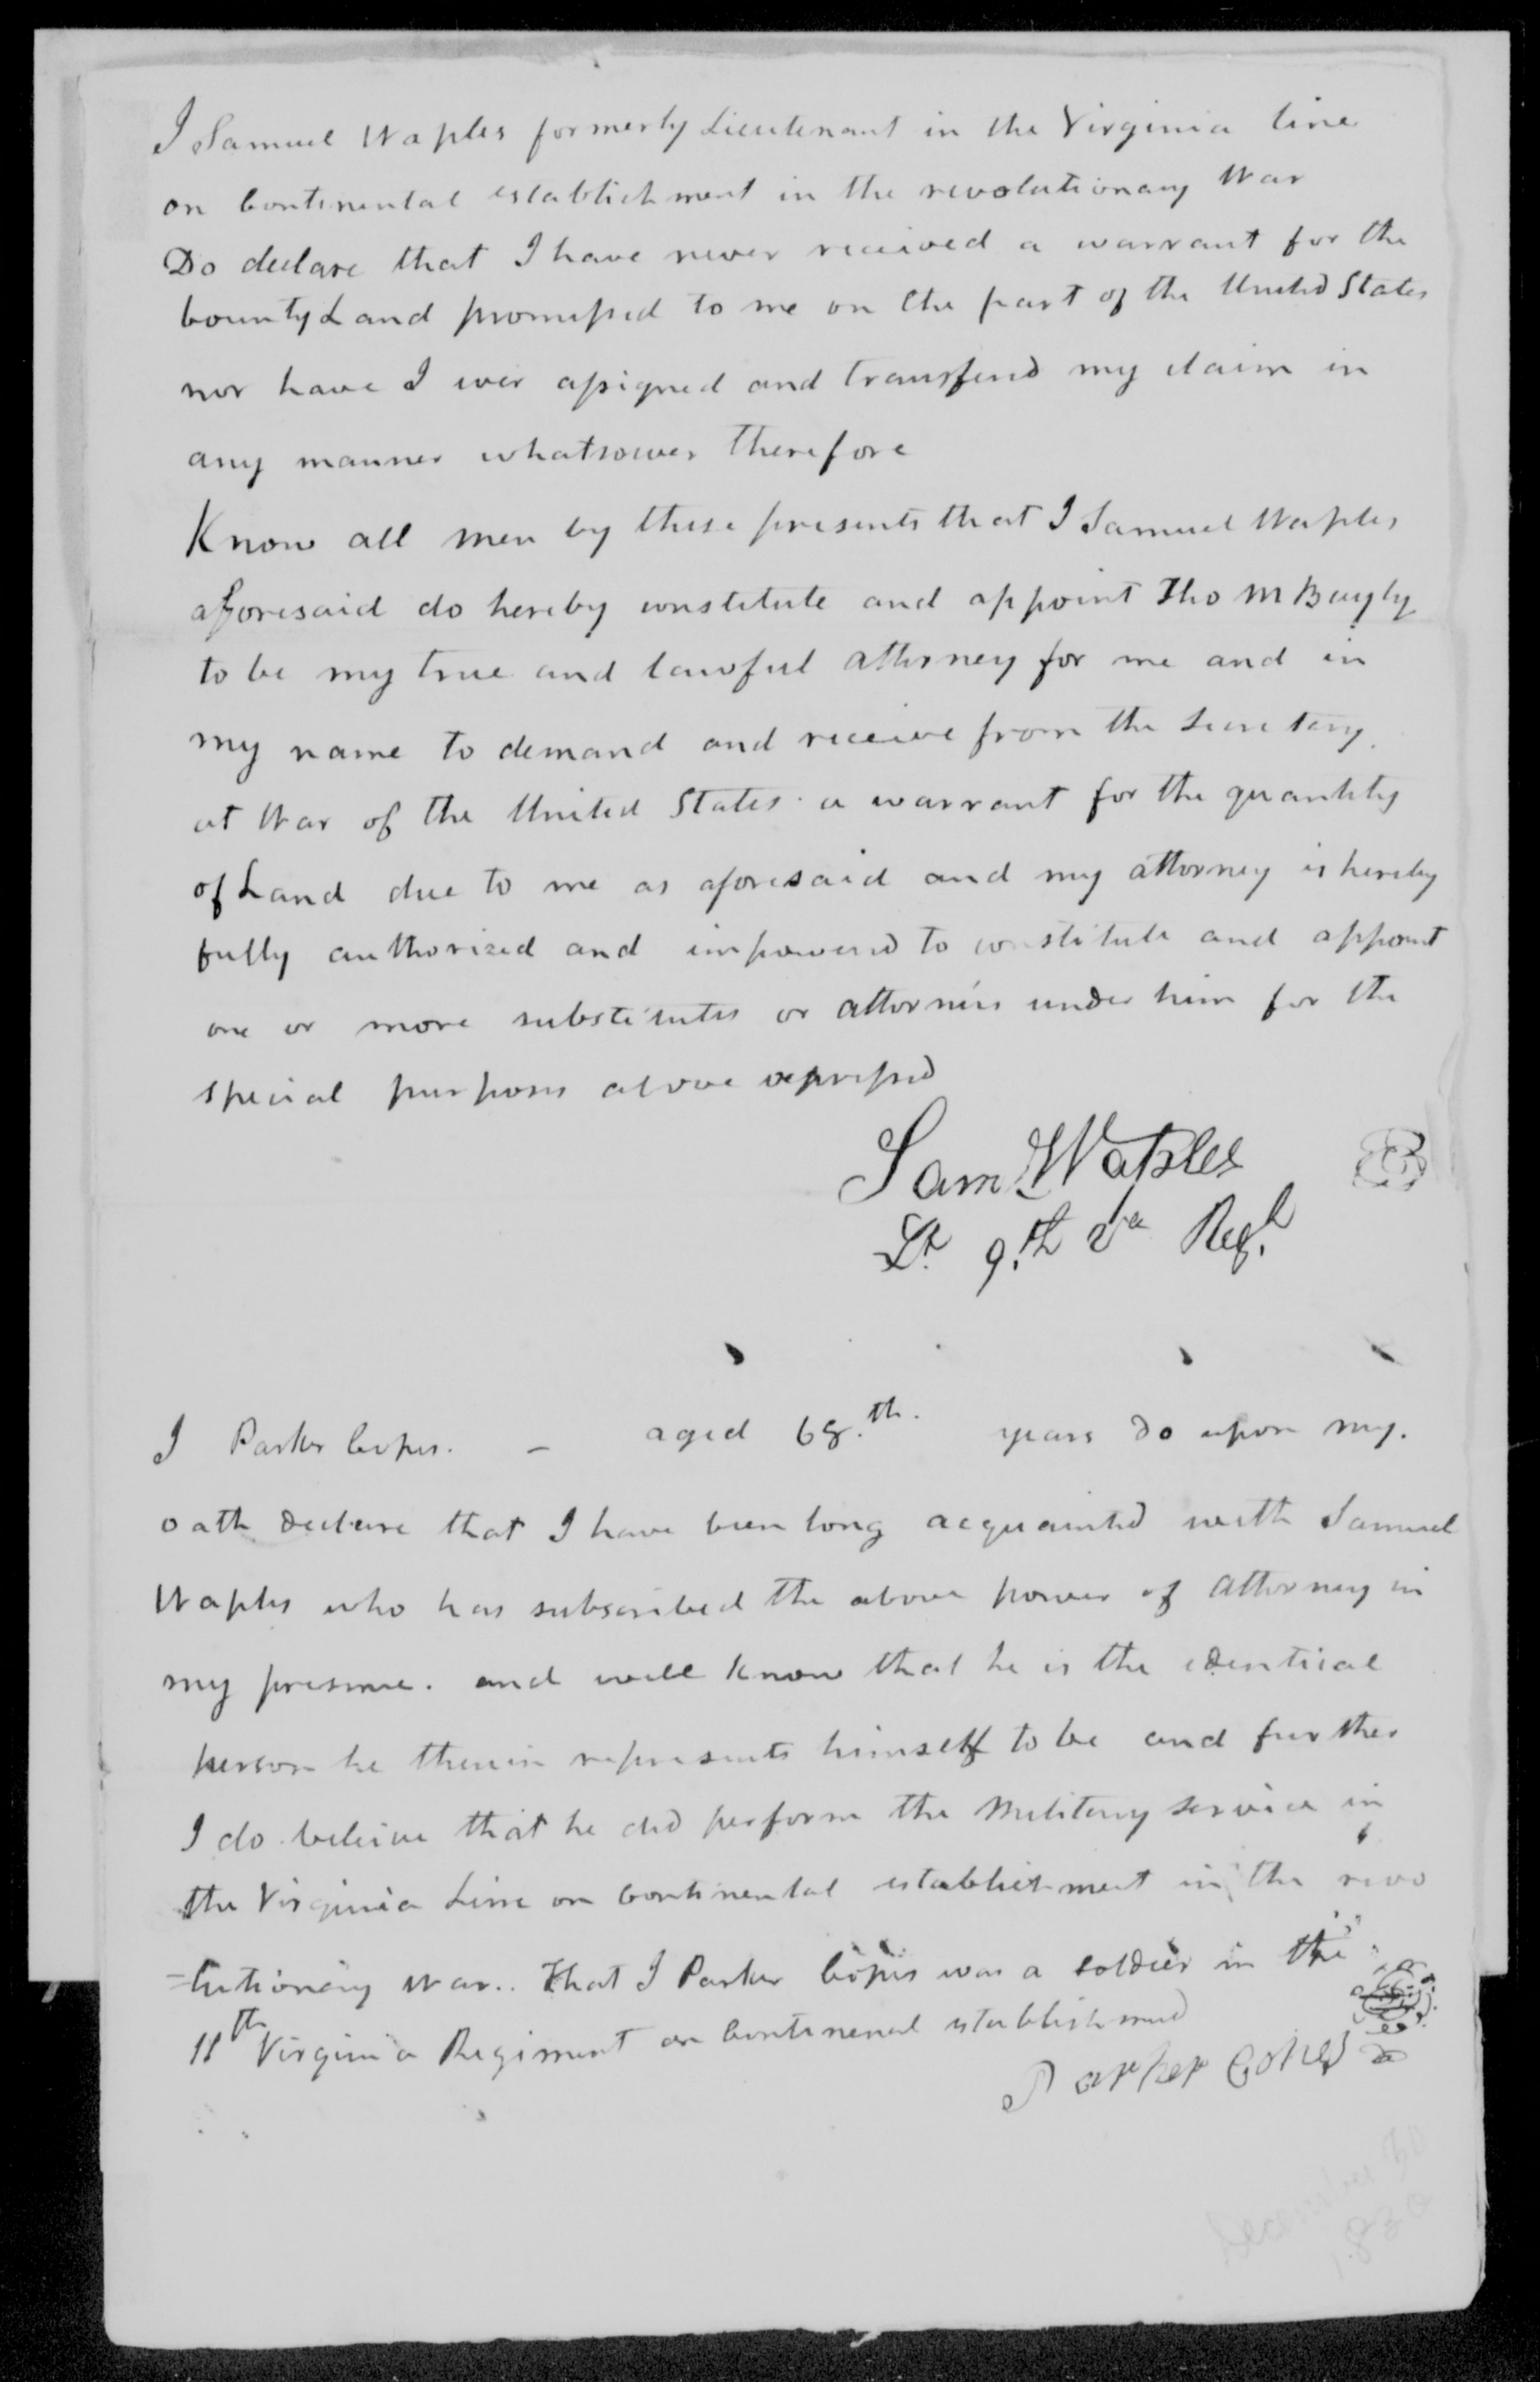I Samuel Waples formerly Lieutenant in the Virginia line on Continental establishment in the revolutionary War Do declare that I have never received a warrant for the bounty land promised to me on the part of the United States, nor have I ever assigned and transferred my claim in any manner whatsoever, Therefore
Know all men by these presents that I Samuel Waples, aforesaid do hereby institute and appoint Tho M Bayly to be my true and lawful attorney for me and in my name to demand and receive from the Secretary of War of the United States a warrant for the granting of Land due to me as aforesaid and my attorney is hereby fully authorized and impowered to constitute and appoint one or more substitutes or attorneys under him for the special purpose above [illeg]
Sam'l Waples
Lt. 9th VA Regt.

I Parker Copes - aged 68th years do upon my oath declare that I have been long acquainted with Samuel Waples who has subscribed the above Power of Attorney in my presence and well know that he is the identical person he therein represents himself to be and further I do believe that he did perform the military service in the Virginia Line on Continental establishment in the revolutionary war. That I Parker Copes was a soldier in the 11th Virginia Regiment on continental establishment
Parker Copes {seal}
December 30 1830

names: Samuel Waples, Parker Copes, Saml Waples, Tho M Bayly, Parker Copes, Parker Copes, Samuel Waples, Samuel Waples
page: 9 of 59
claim: widow's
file: W. 6427, Samuel Waples, Va.